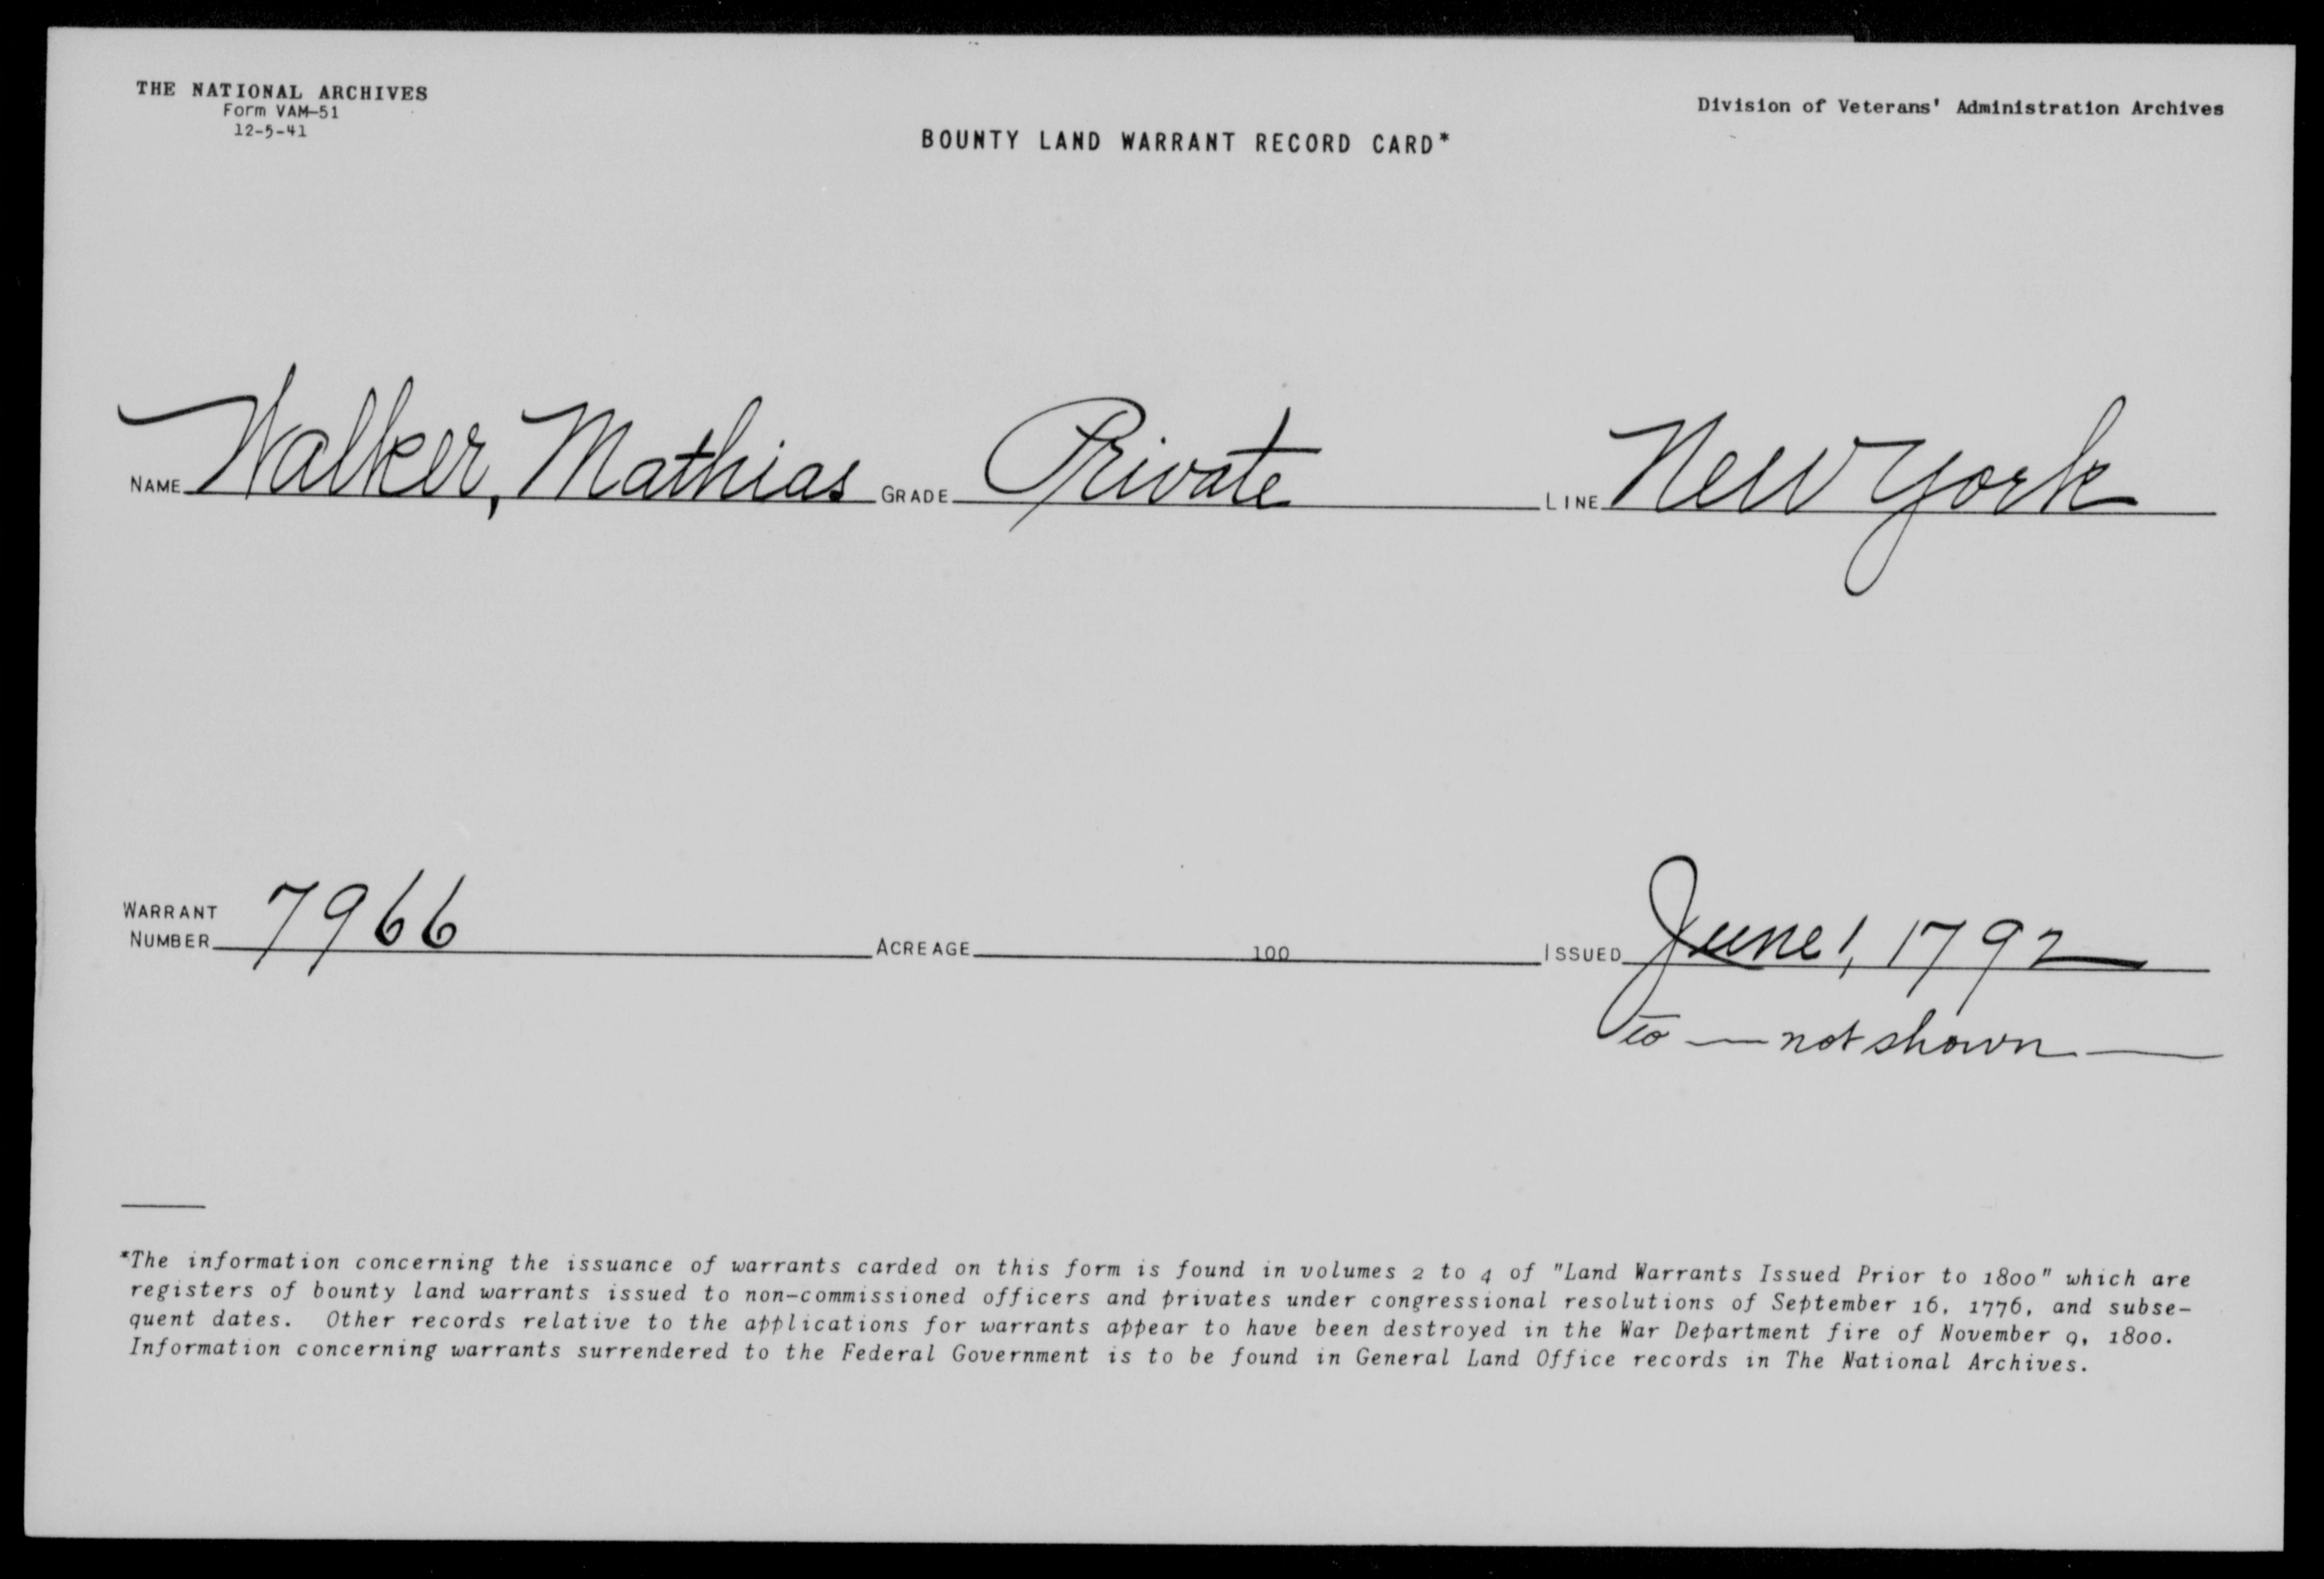The National Archives
Form VAM-51
12-5-41
Bounty Land Warrant Record Card*
Division of Veterans' Administration Archives
Name:  Walker, Mathias
Grade: Private
Line: New York
Warrant Number:  7966
Acreage:  100
Issued:  June 1, 1792
to ____ not shown_____

*The information concerning the issuance of warrants carded on this form is found in volumes 2 to 4 of "Land Warrants Issued Prior to 1800" which are registers of bounty land warrants issued to non-commissioned officers and privates under congressional resolutions of September 16, 1776, and subsequent dates.  Other records relative to the applications for warrants appear to have been destroyed in the War Department fire of November 9, 1800. Information concerning warrants surrendered to the Federal Government is to be found in General Land Office records in the National Archives.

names: Mathias Walker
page: 15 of 15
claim: rejected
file: R. 11045, Littleberry Walker, Ga.